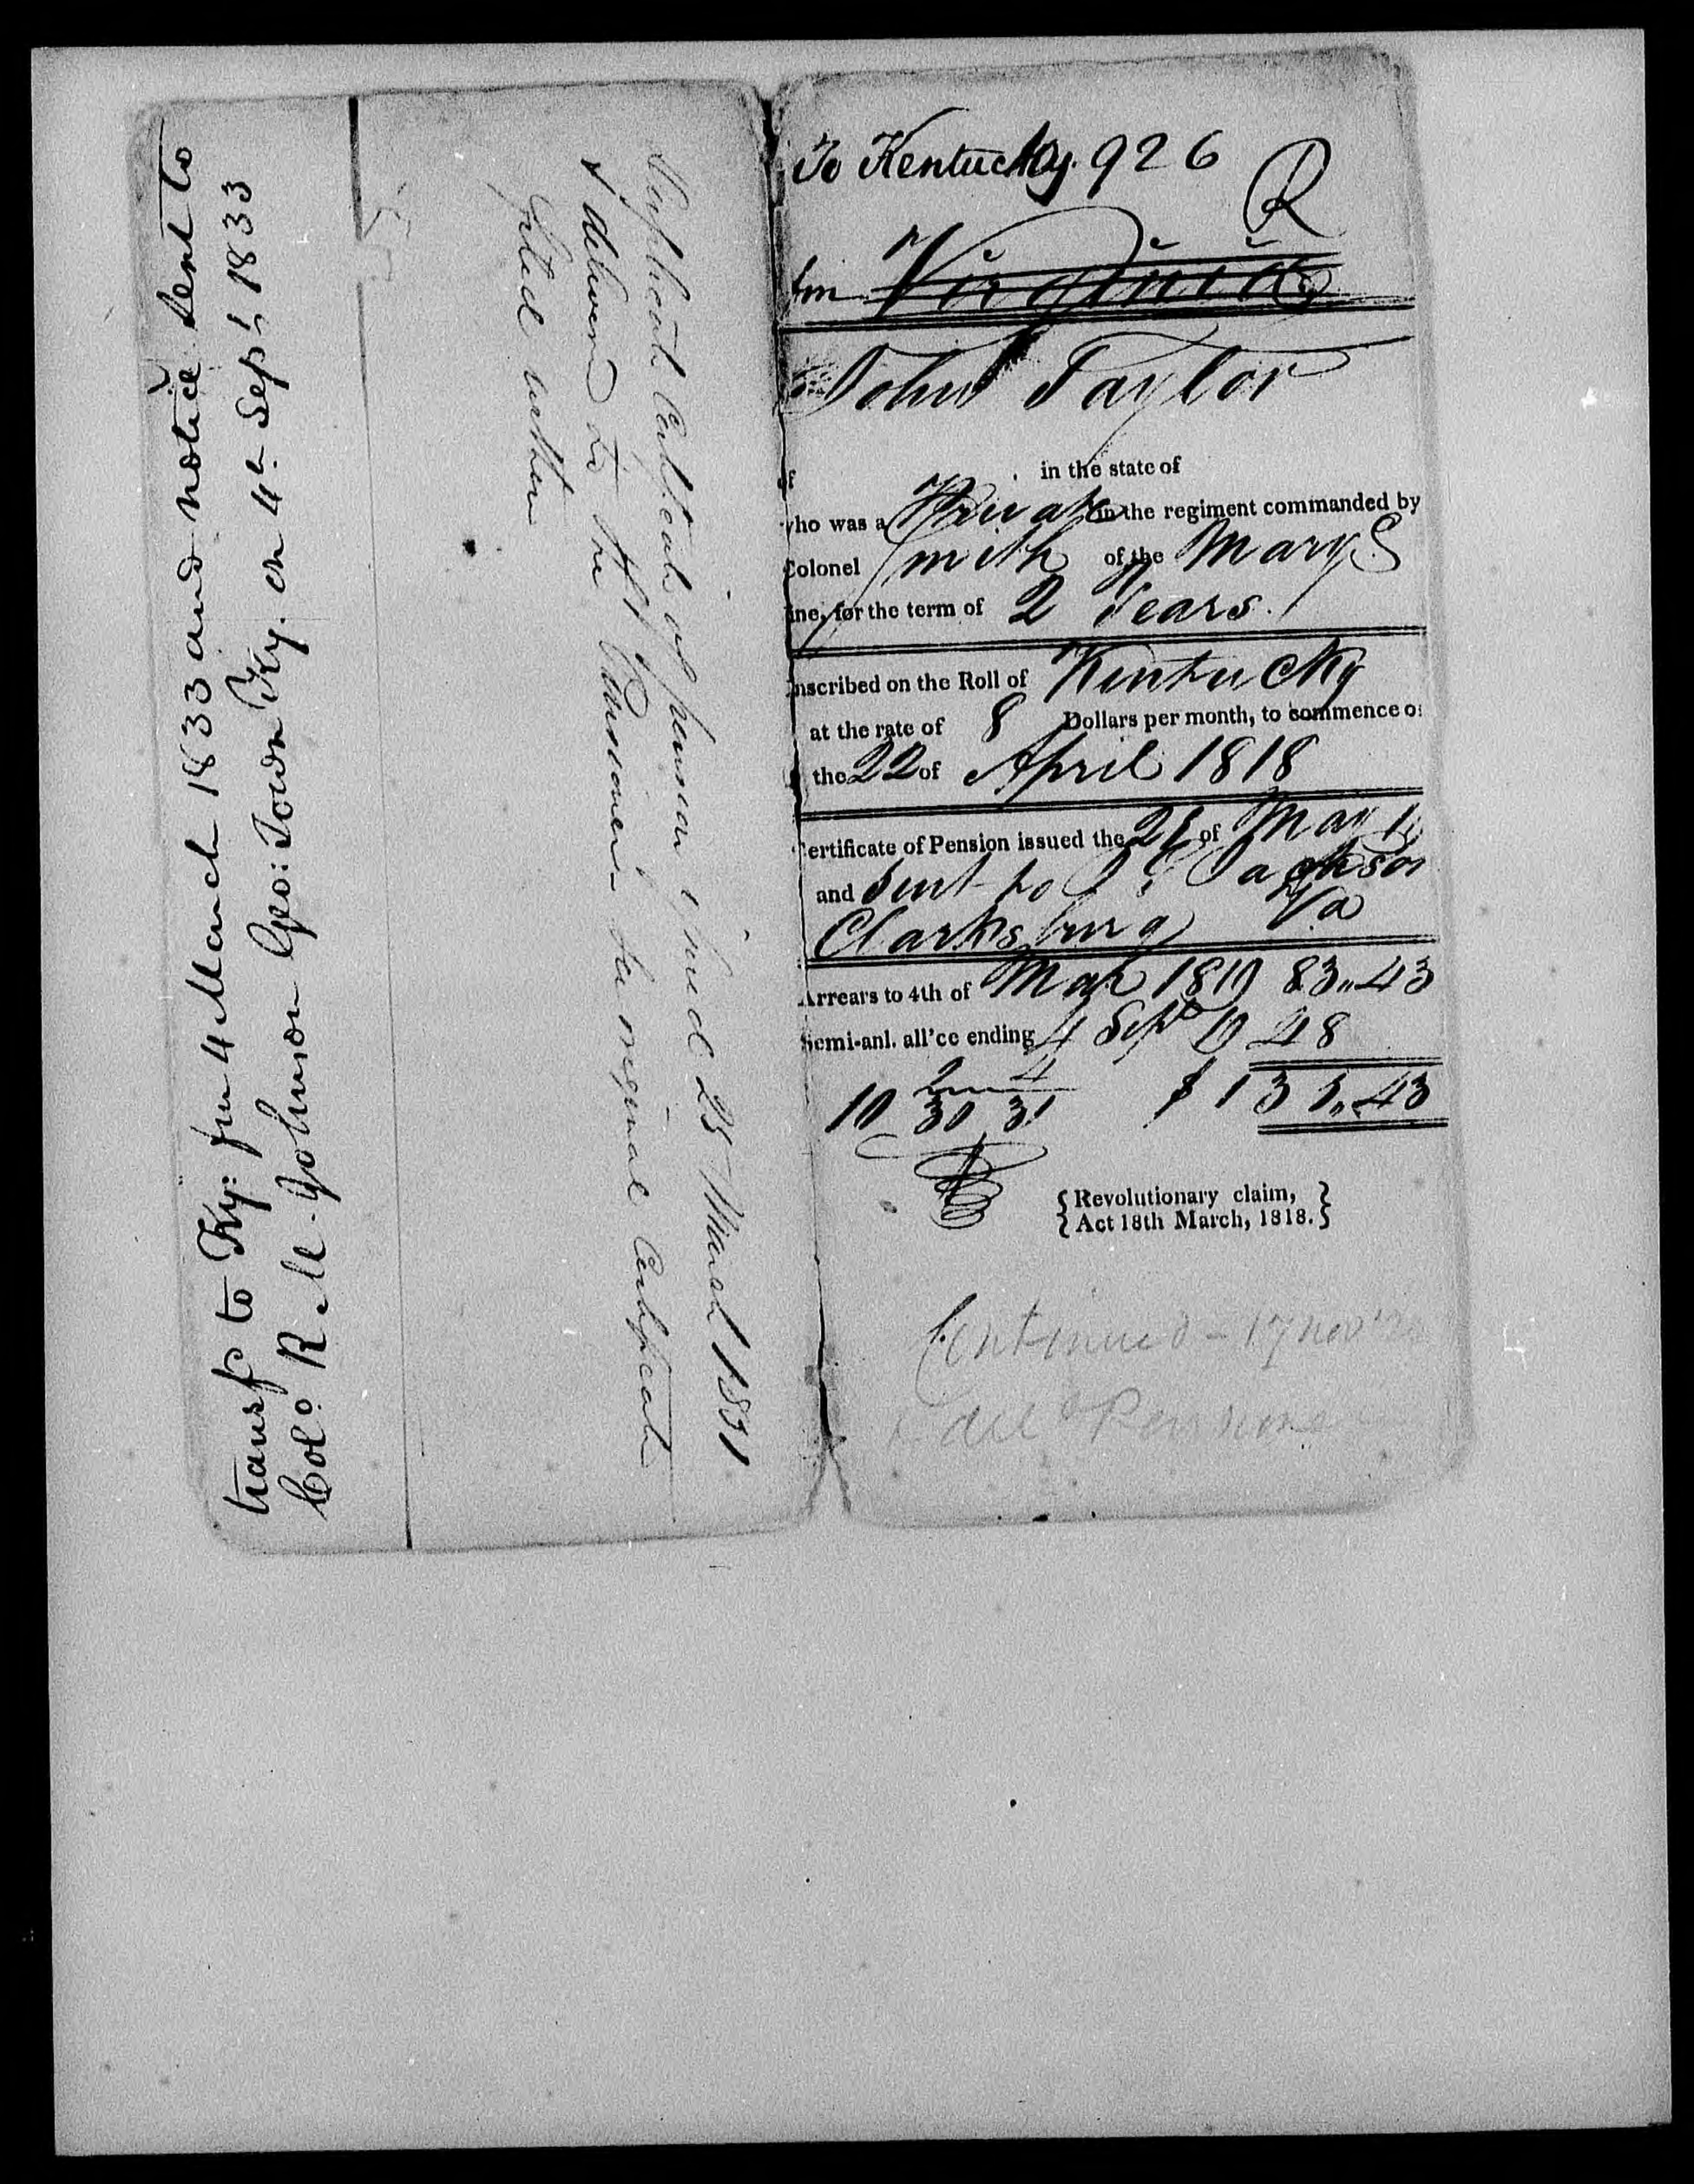[Two panels]
[Left panel]

[Written vertically left margin of panel]
Transfer from Ky. from 4 March 1833 and notice sent to 
Col. R U Johnson Geo.Town Ky on 11th Sept 1833

[Written vertically right margin of panel]
Duplicate certificate of pension [illegible] 25 March 1831
delivered to the Pensioner-See original certificate 
filed within 

[Right panel]

To Kentucky. 926 
R
fm [struck out: Virginia]

John Taylor
of [blank] in the state of [blank]
who was a Private in the regiment commanded by 
Colonel Smith of the Maryd.
line for the term of 2 years

Inscribed on the Roll of Kentucky 
at the rate of 8 Dollars per month, to commence on 
the 22 of April 1818

Certificate of Pension issued the 21 of Mar 18[remainder cut off]
and sent to J. G. Jackson 
Clarksburg Va

Arrears to 4th of Mar 1819 83.43
Semi-anl all'cr ending 4 Sept 19 48
10 2/30 4/31 $181.43

{ Revolutionary claim, }
{ Act 18th March, 1818. }

Continued - 17 Nov '20
& del Pensioner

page: 2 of 18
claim: survivor's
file: S. 37,483, for John Taylor, Maryland